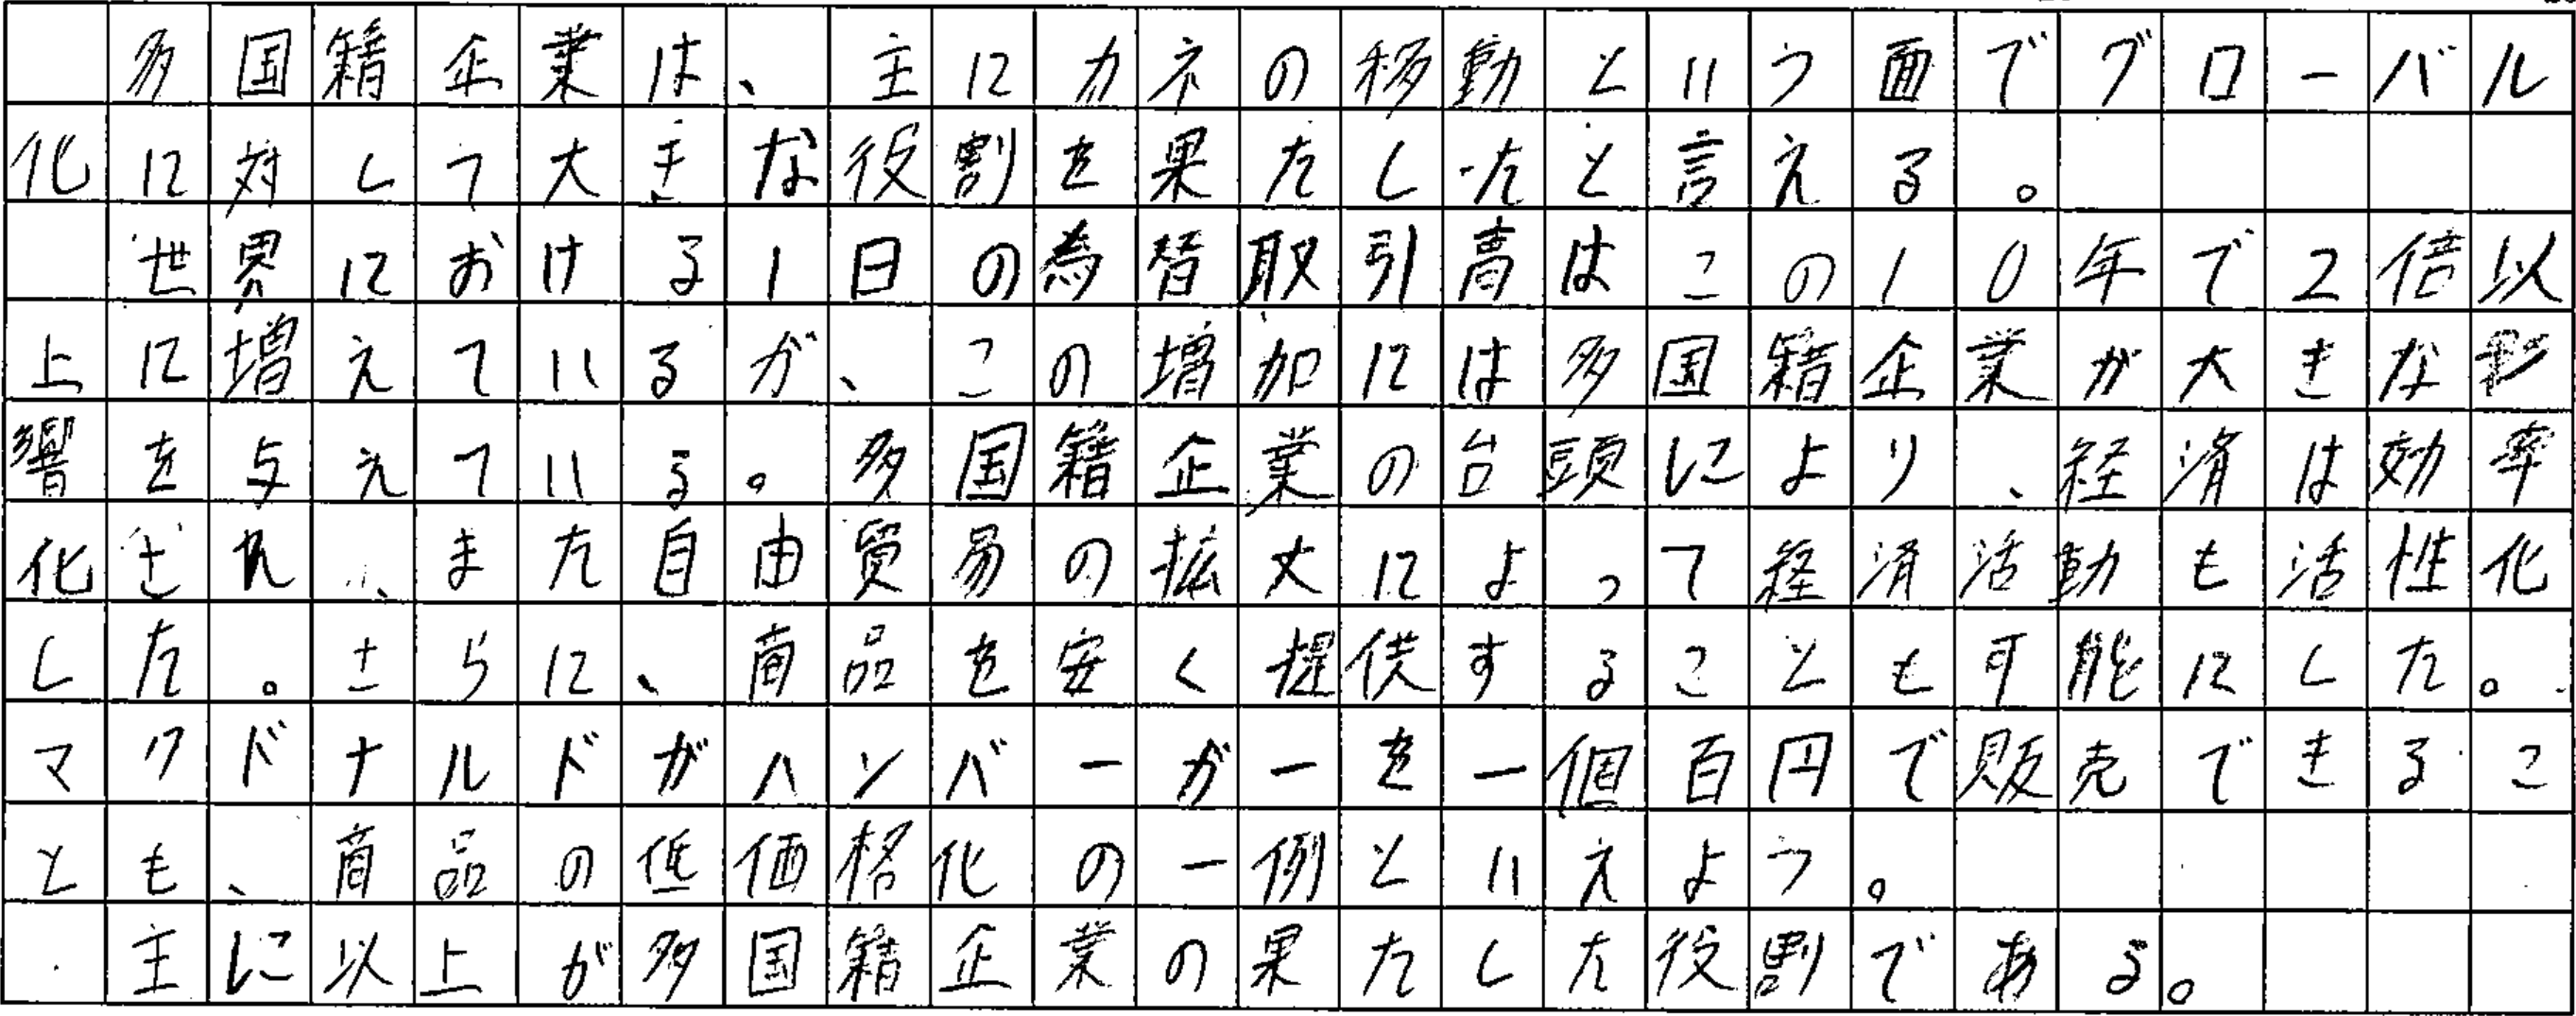　多国籍企業は、主にカネの移動という面でグローバル化に対して大きな役割を果たしたと言える。
　世界における１日の為替取引高はこの１０年で２倍以上に増えているが、この増加には多国籍企業が大きな影響を与えている。多国籍企業の台頭により、経済は効率化され、また自由貿易の拡大によって経済活動も活性化した。さらに、商品を安く提供することも可能にした。マクドナルドがハンバーガーを一個百円で販売できることも、商品の低価格化の一例といえよう。
　主に以上が多国籍企業の果たした役割である。
